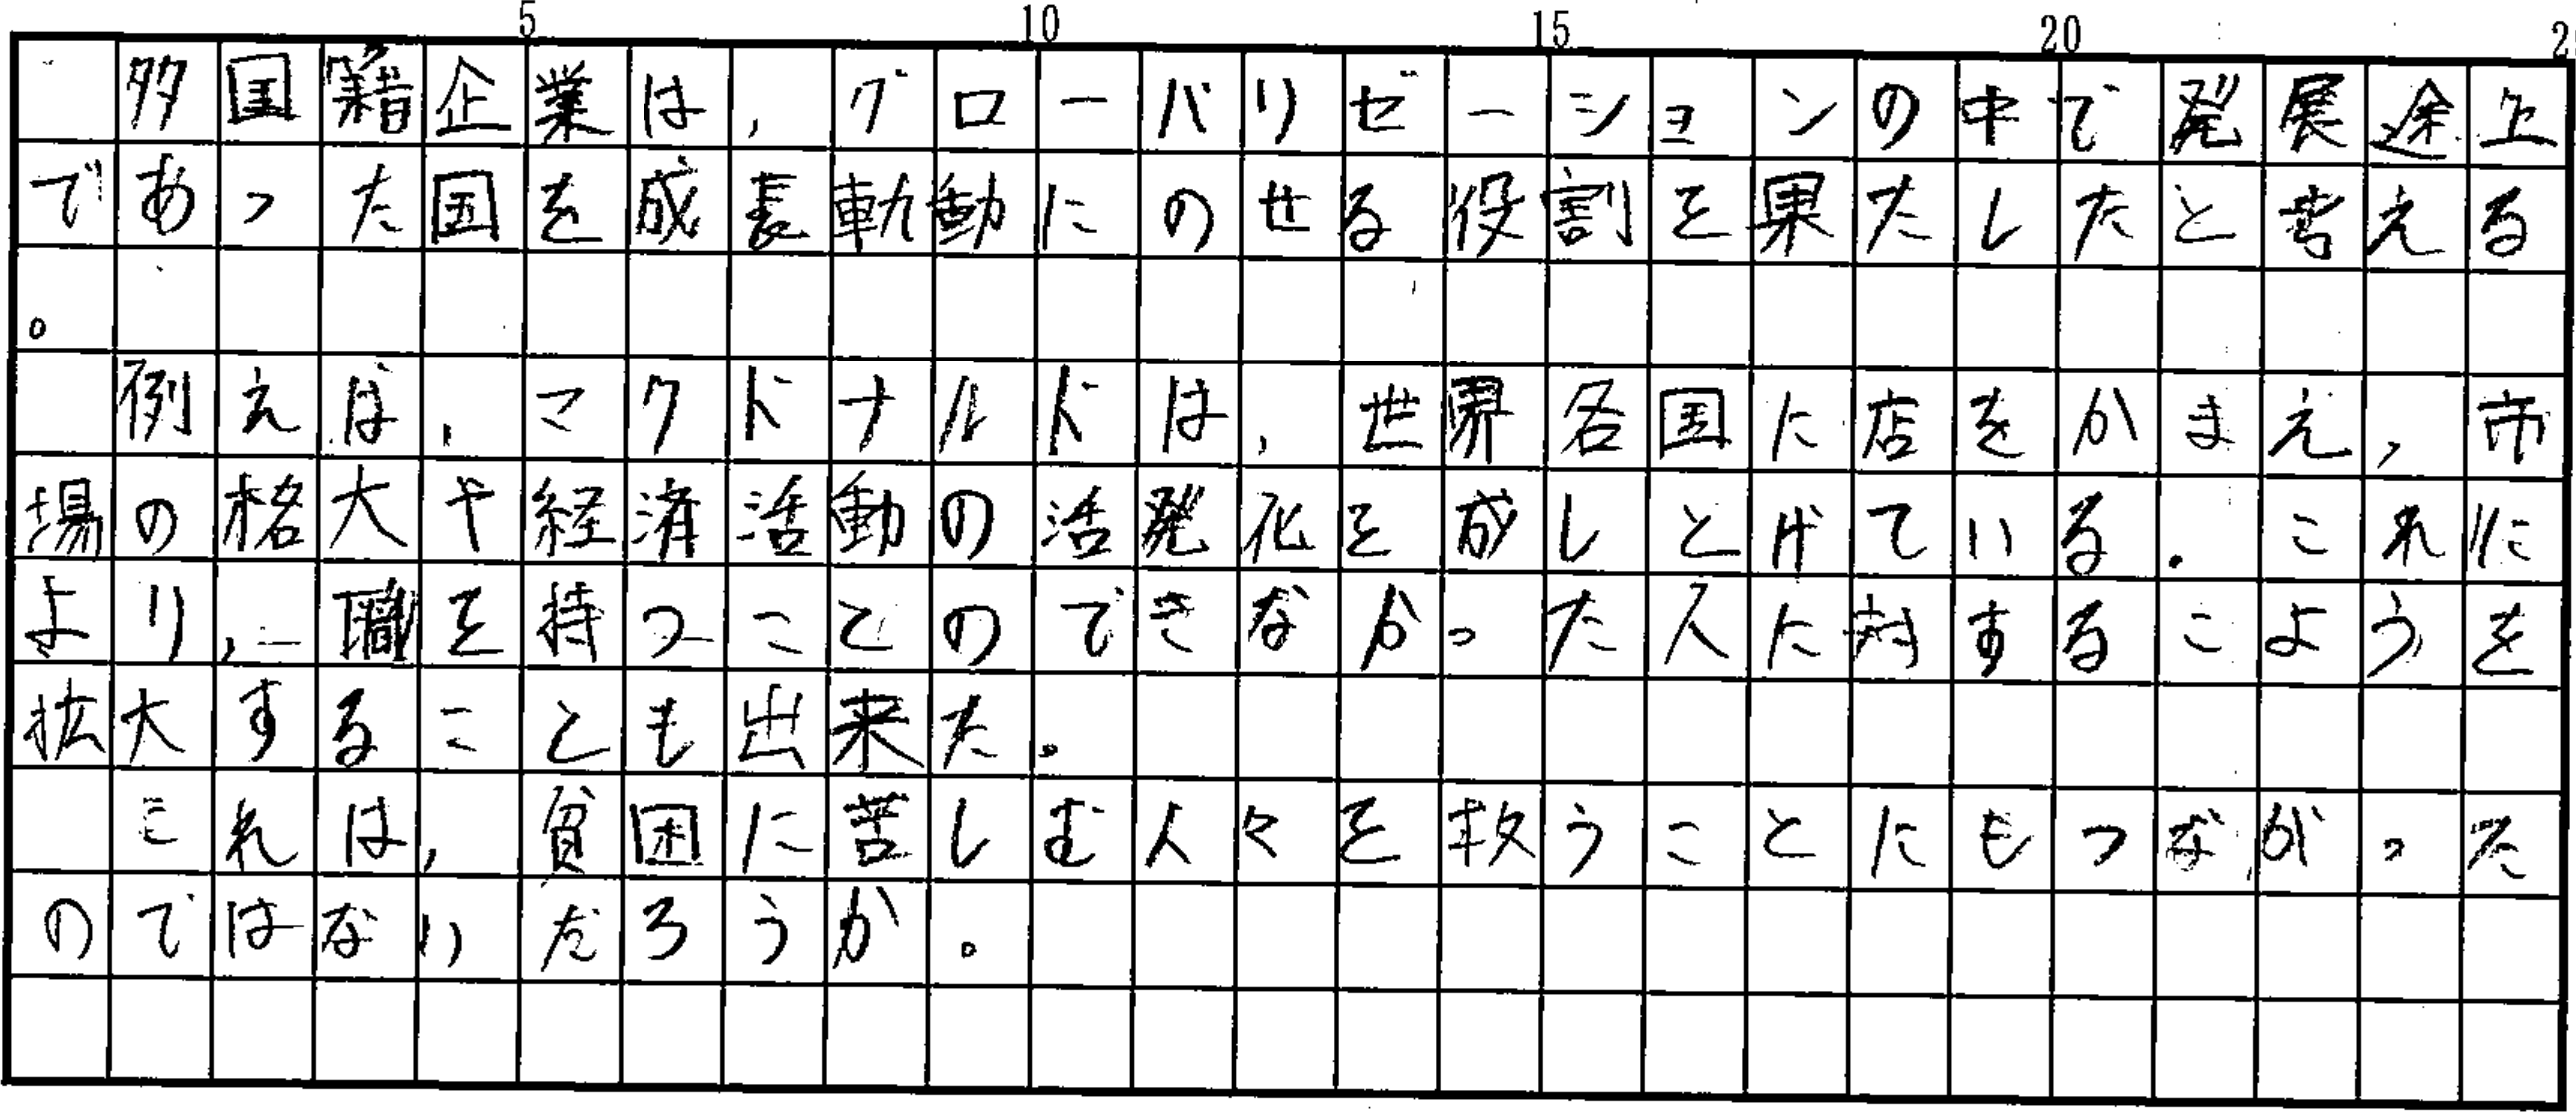　多国籍企業は、グローバリゼーションの中で発展途上国であった国を成長軌動にのせる役割を果たしたと考える。
　例えば、マクドナルドは、世界各国に店をかまえ、市場の格大や経済活動の活発化を成しとげている。これにより、職を持つことのできなかった人に対するこようを拡大することも出来た。
　これは、貧困に苦しむ人々を救うことにもつながったのではないだろうか。
